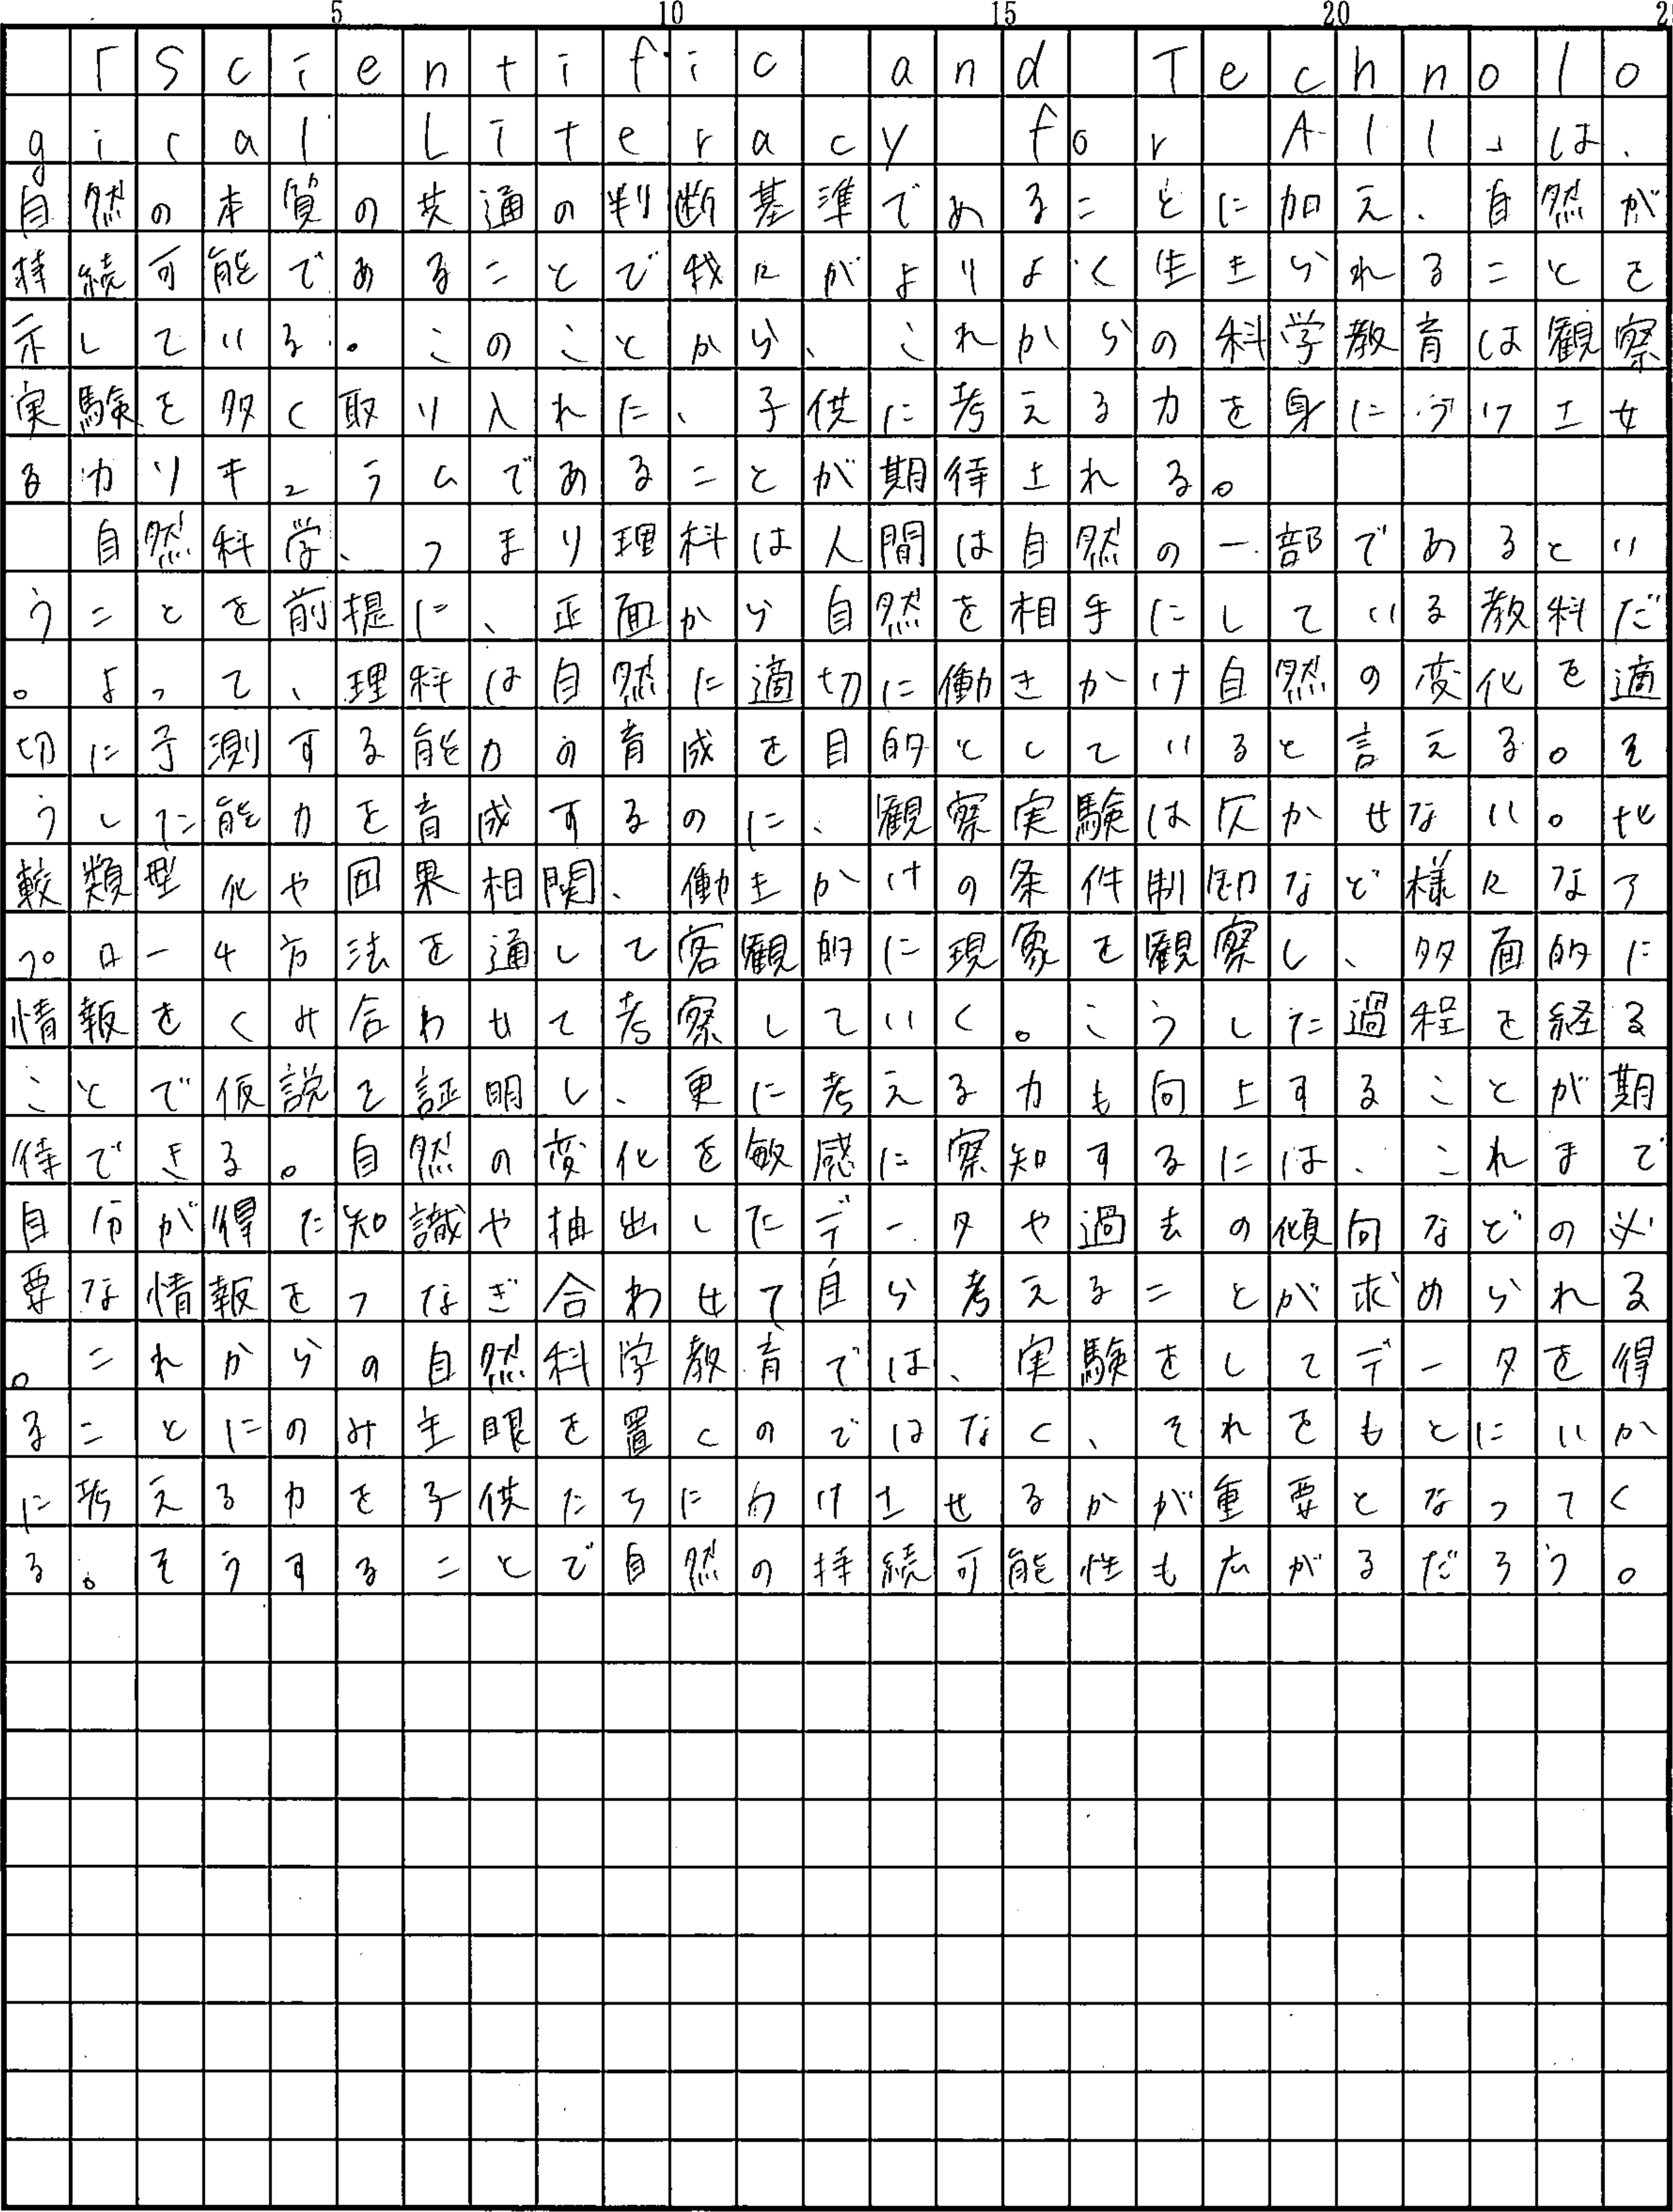　「Ｓｃｉｅｎｔｉｆｉｃ　ａｎｄ　Ｔｅｃｈｎｏｌｏｇｉｃａｌ　Ｌｉｔｅｒａｃｙ　ｆｏｒ　Ａｌｌ」は、自然の本質の共通の判断基準であることに加え、自然が持続可能であることで我々がよりよく生きられることを示している。このことから、これからの科学教育は観察実験を多く取り入れた、子供に考える力を身につけさせるカリキュラムであることが期待される。
　自然科学、つまり理科は人間は自然の一部であるということを前提に、正面から自然を相手にしている教科だ。よって、理科は自然に適切に働きかけ自然の変化を適切に予測する能力の育成を目的としていると言える。そうした能力を育成するのに、観察実験は欠かせない。比較類型化や因果相関、働きかけの条件制卸など様々なアプローチ方法を通して客観的に現象を観察し、多面的に情報をくみ合わせて考察していく。こうした過程を経ることで仮説を証明し、更に考える力も向上することが期待できる。自然の変化を敏感に察知するには、これまで自分が得た知識や抽出したデータや過去の傾向などの必要な情報をつなぎ合わせて自ら考えることが求められる。これからの自然科学教育では、実験をしてデータを得ることにのみ主眼を置くのではなく、それをもとにいかに考える力を子供たちにつけさせるかが重要となってくる。そうすることで自然の持続可能性も広がるだろう。
